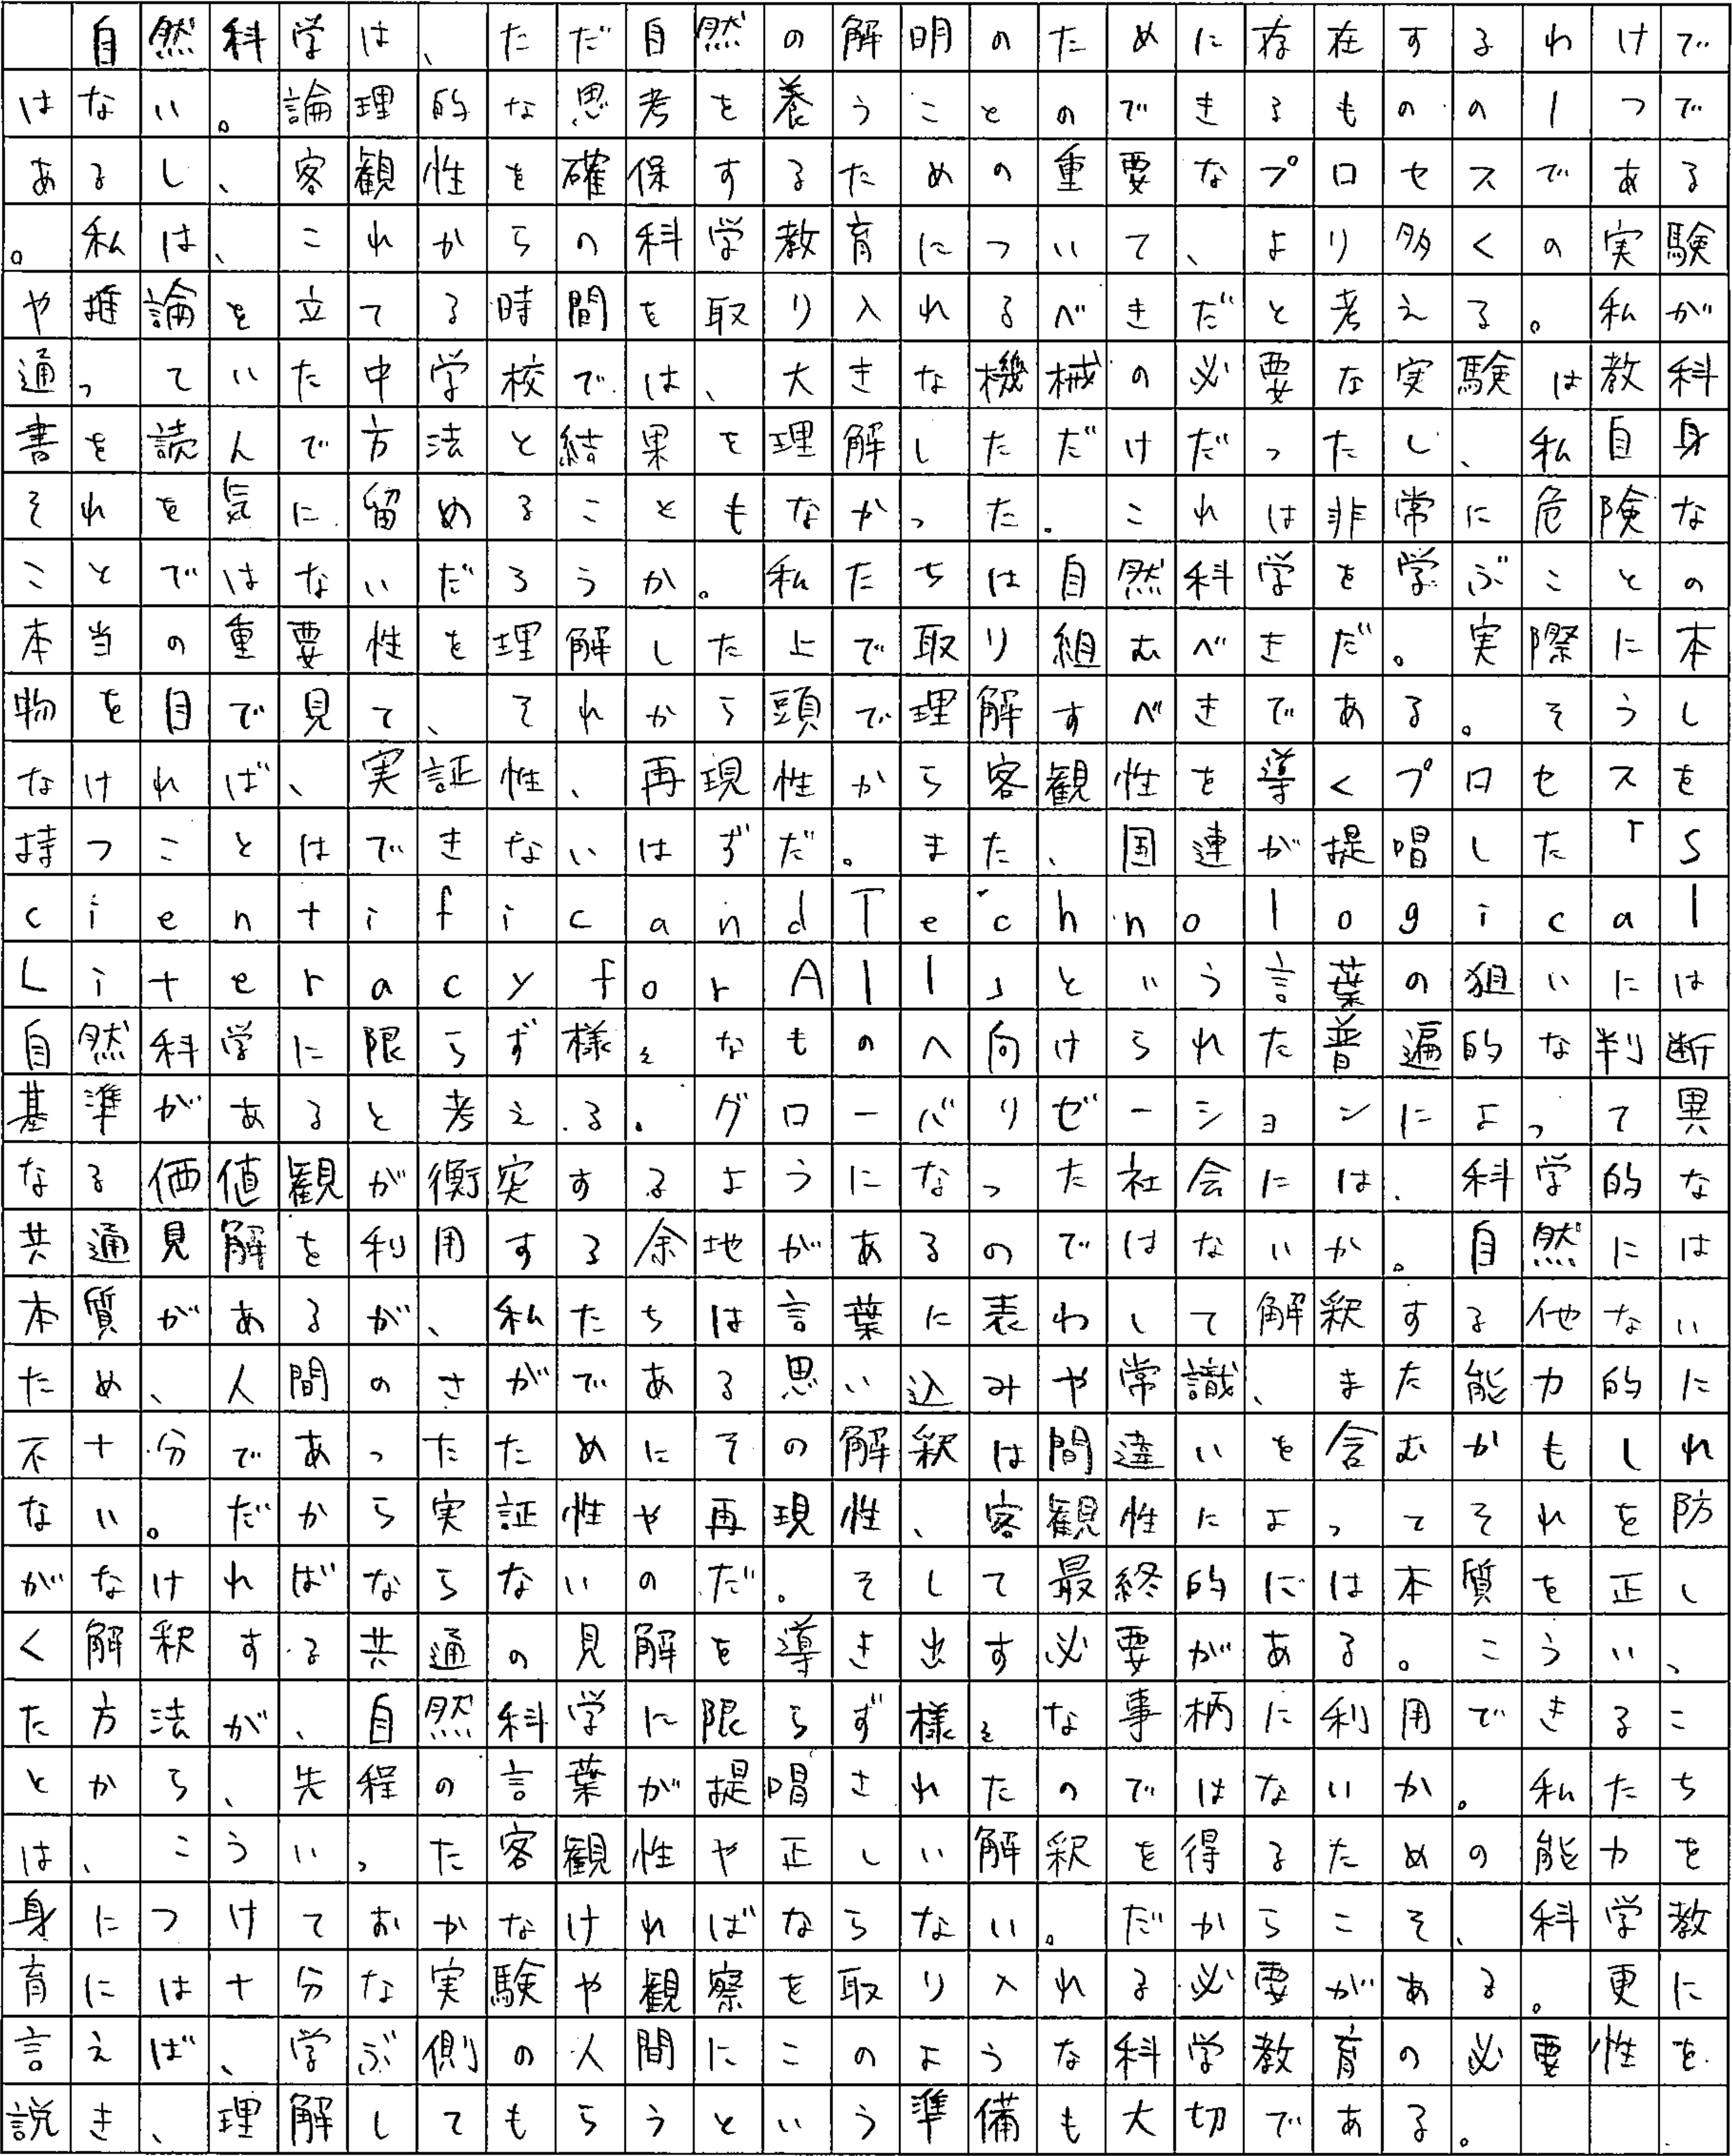　自然科学は、ただ自然の解明のために存在するわけではない。論理的な思考を養うことのできるものの1つであるし、客観性を確保するための重要なプロセスである。私は、これからも科学教育について、より多くの実験や推論を立てる時間を取り入れるべきだと考える。私が通っていた中学校では、大きな機械の必要な実験は教科書を読んで方法と結果だけを理解しただけだったし、私自身それを気に留めることもなかった。これは非常に危険なことではないだろうか。私たちは自然科学を学ぶことの本当の重要性を理解した上で取り組むべきだ。実際に本物を目で見て、それから頭で理解すべきである。そうしなければ、実証性、再現性からき客観性を導くプロセスを持つことができないはずだ。また、国連が提唱した「ＳｃｉｅｎｔｉｆｉｃａｎｄＴｅｃｈｎｏｌｏｇｉｃａｌＬｉｔｅｒａｃｙｆｏｒＡｌｌ」という言葉の狙いには自然科学に限らず様々なものへ向けられた普遍的な判断基準があると考える。グローバリゼーションによって異なる価値観が衡突するようになった社会には、科学的な共通見解を利用する余地があるのではないか。自然には本質があるが、私たちは言葉に表わして解釈する他ないため、人間のさがである思い込みや常識、また能力的に不十分であったためにその解釈は間違いを含むかもしれない。だから実証性や再現性、客観性によってそれらを防がなければならないのだ。そして最終的は本質を正しく解釈する共通の見解を導き出す必要がある。こういった方法が、自然科学に限らず様々な事柄に利用できることから、先程の言葉が提唱されたのではないか。私たちは、こういった客観性や正しい解釈を得るための能力を身につけておかなければならない。だからこそ、科学教育には十分な実験や観察を取り入れる必要がある。更に言えば、学ぶ側の人間にこのような科学教育の必要性を説き、理解してもらうという準備も大切である。
